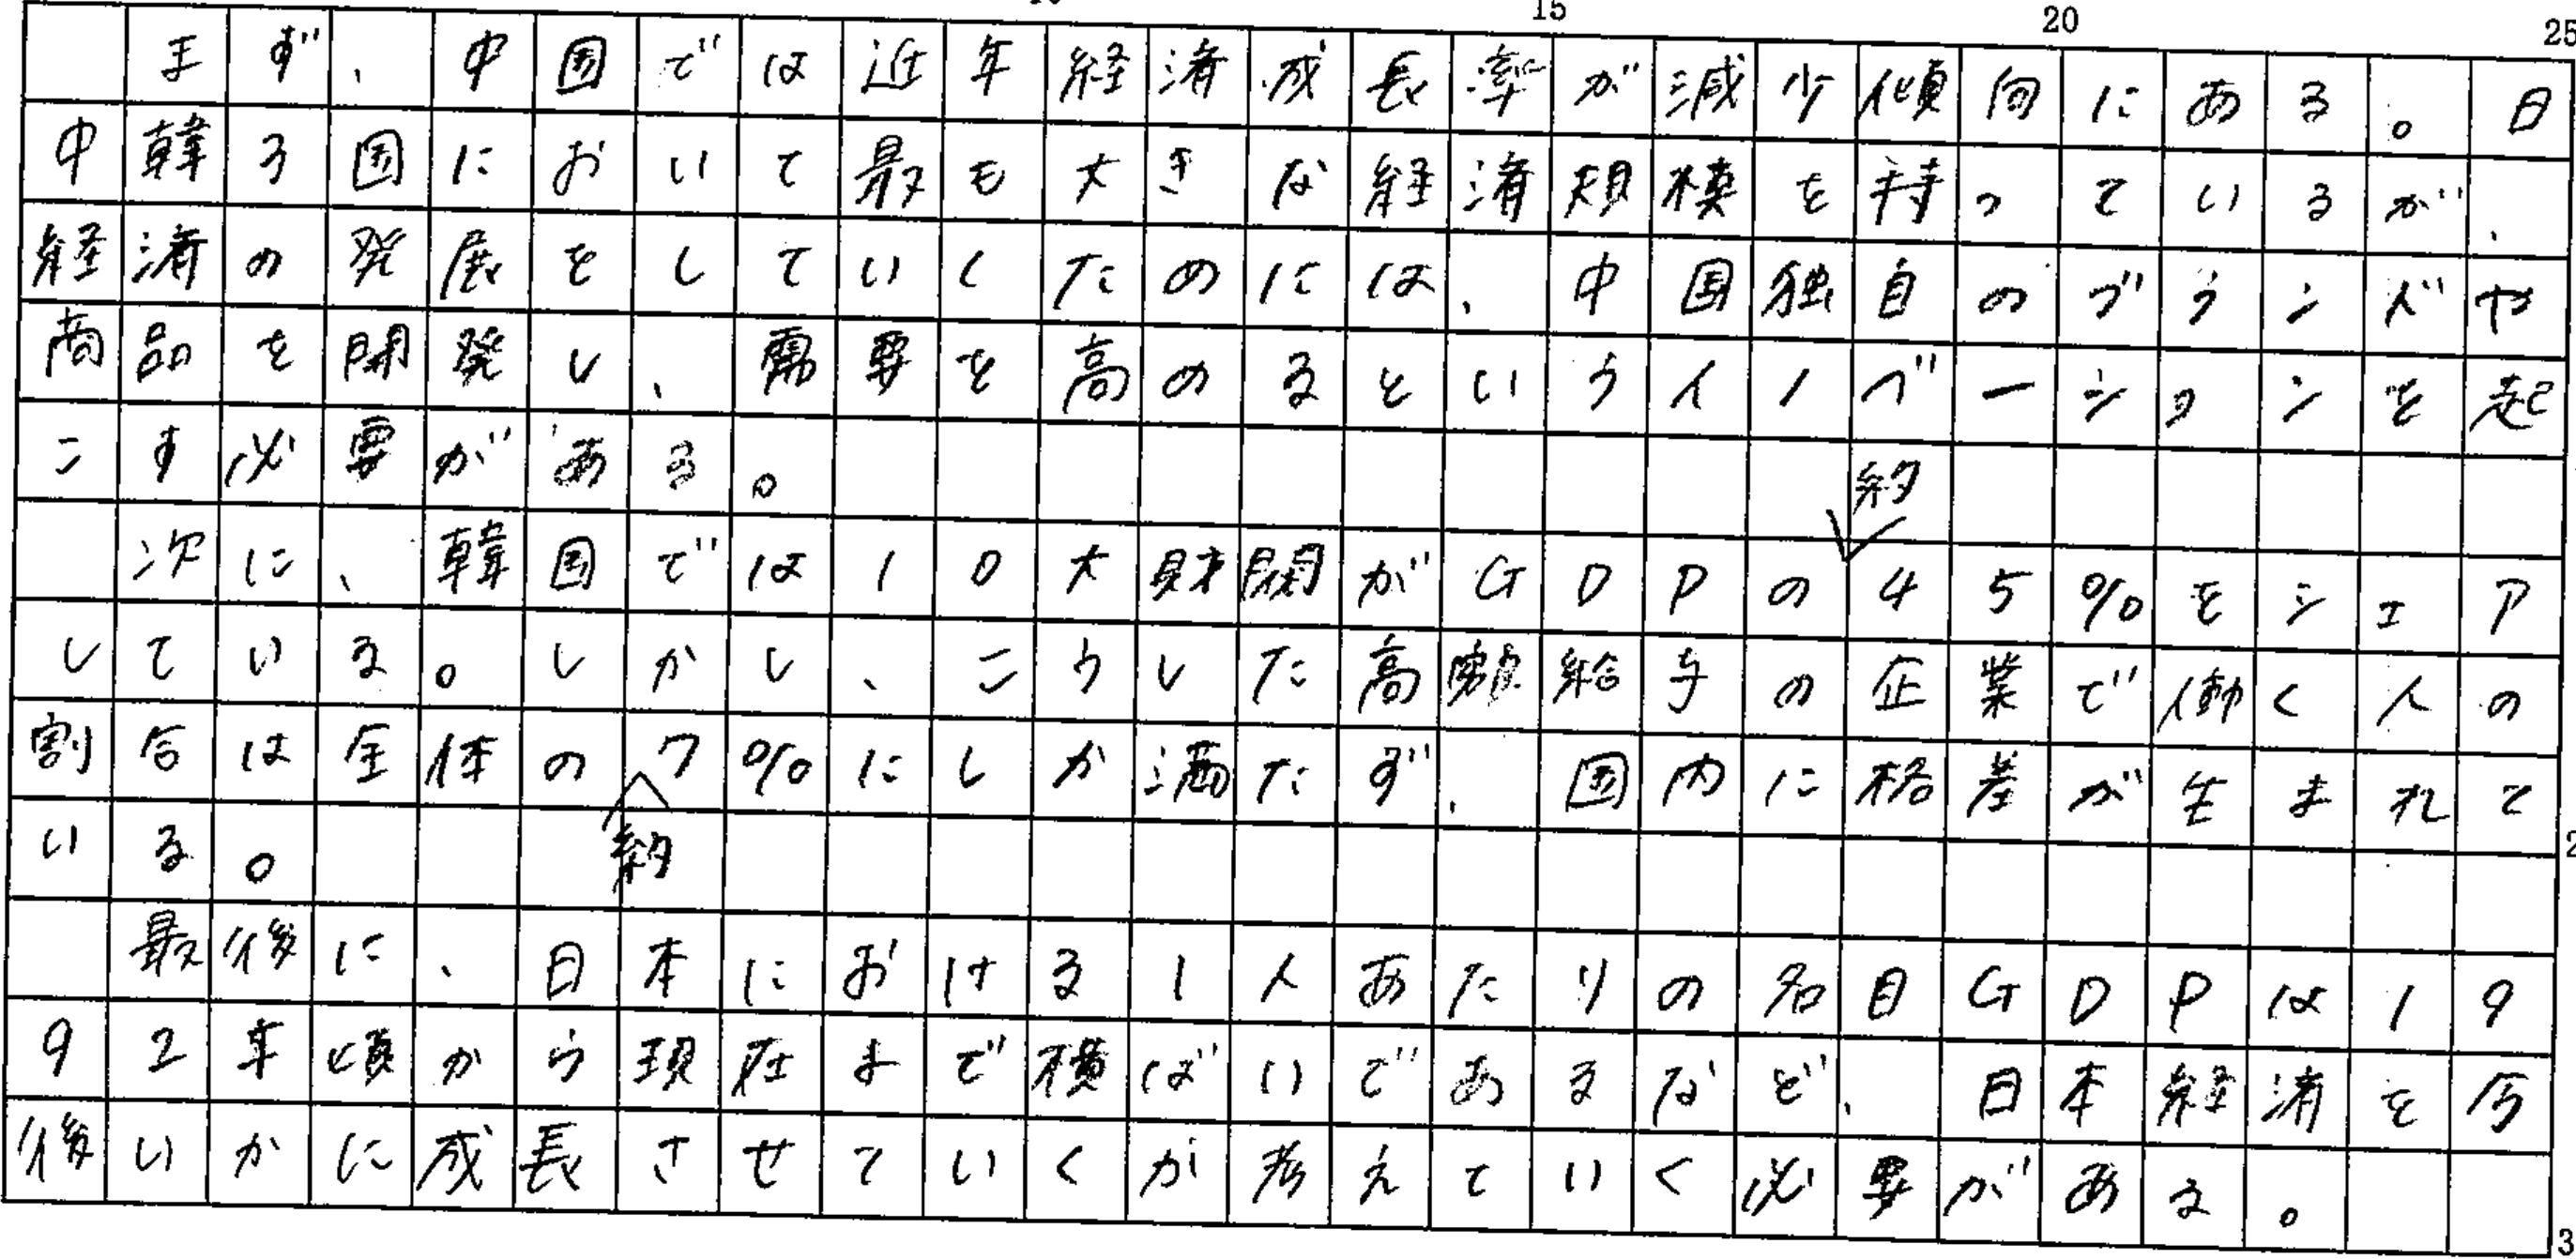　まず、中国では近年経済成長率が減少傾向にある。日中韓３国において最も大きな経済規模を持っているが、経済の発展をしていくためには、中国独自のブランドや商品を開発し、需要を高めるというイノベーションを起こす必要がある。
　次に、韓国では１０大財閥がＧＤＰの約４５％をシェアしている。しかし、こうした高額給与の企業で働く人の割合は全体の約７％にしか満たず、国内に格差が生まれている。
　最後に、日本における１人あたりの名目ＧＤＰは１９９２年頃から現在まで横ばいであるなど、日本経済を今後いかに成長させていくか考えていく必要がある。
